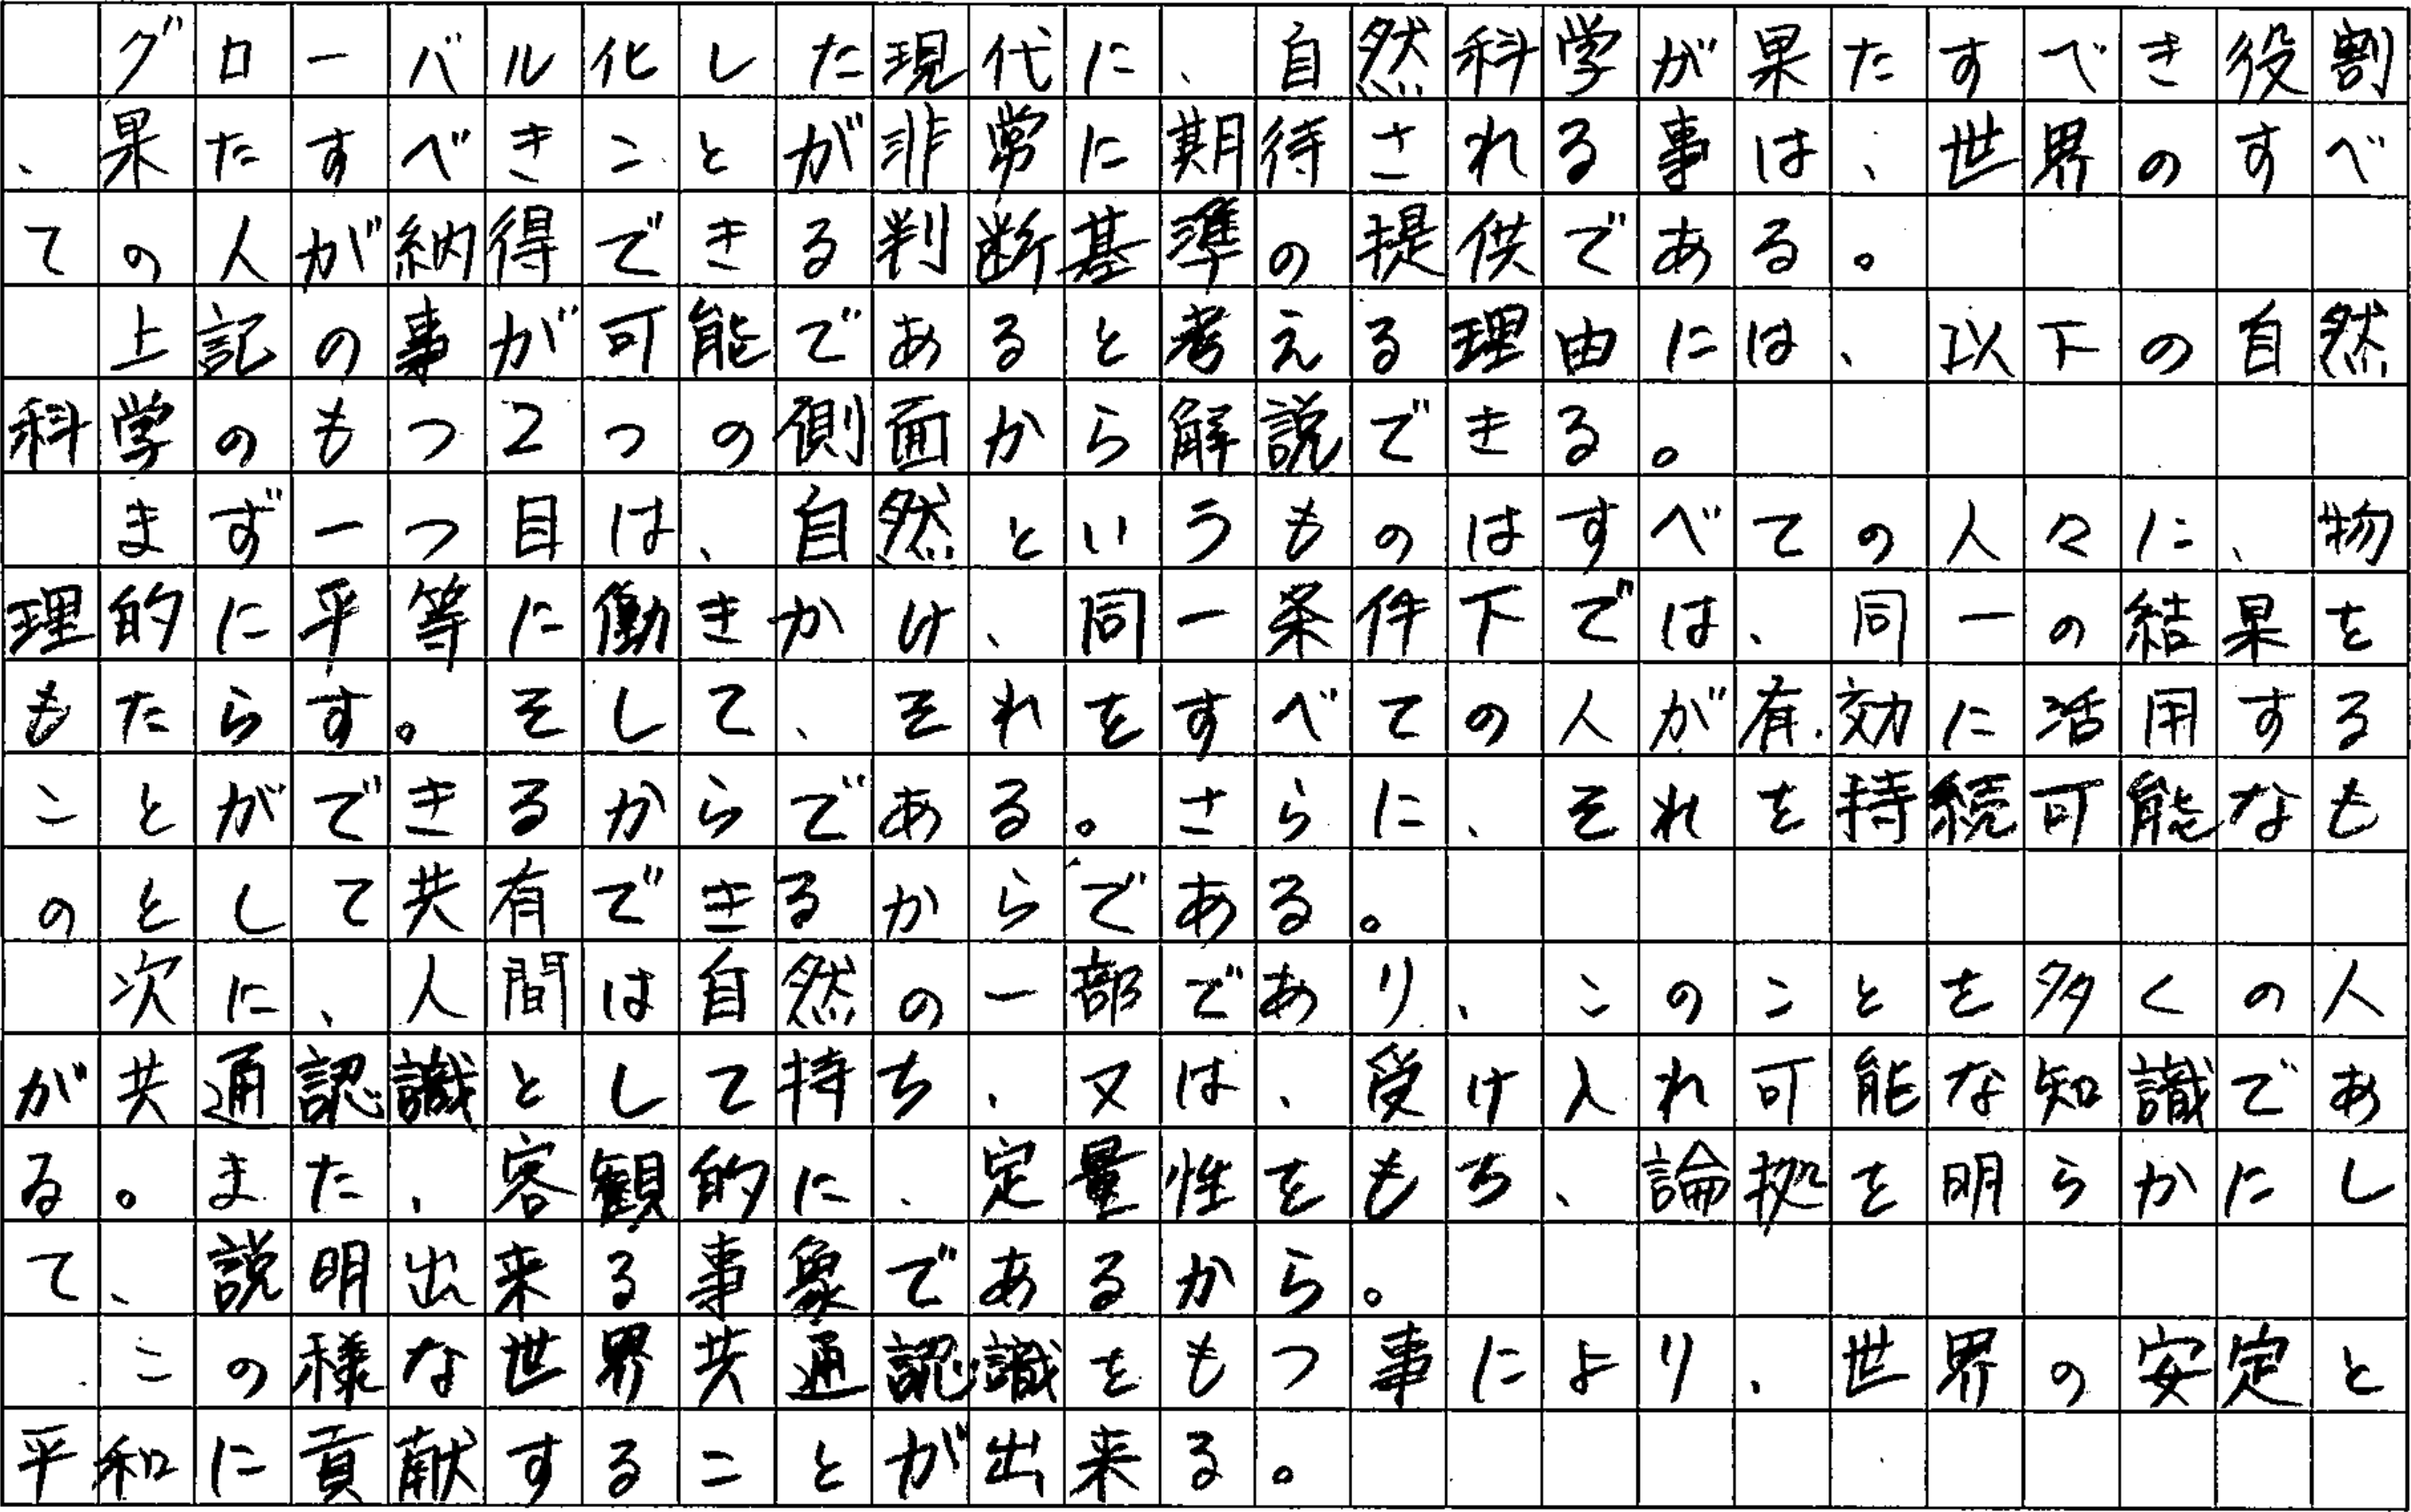　グローバル化した現代に、自然科学が果たすべき役割、果たすべきことが非常に期待される事は、世界のすべての人が納得できる判断基準の提供である。
　上記の事が可能であると考える理由には、以下の自然科学のもつ２つの側面から解説できる。
　まず一つ目は、自然というものはすべての人々に、物理的に平等に働きかけ、同一条件下では、同一の結果をもたらす。そして、それをすべての人が有効に活用することができるからである。さらに、それを持続可能なものとして共有できるからである。
　次に、人間は自然の一部であり、このことを多くの人が共通認識として持ち、又は、受け入れ可能な知識である。また、客観的に、定量性をもち、論拠を明らかにして、説明出来る事象であるから。
　この様な世界共通認識をもつ事により、世界の安定と平和に貢献することが出来る。
